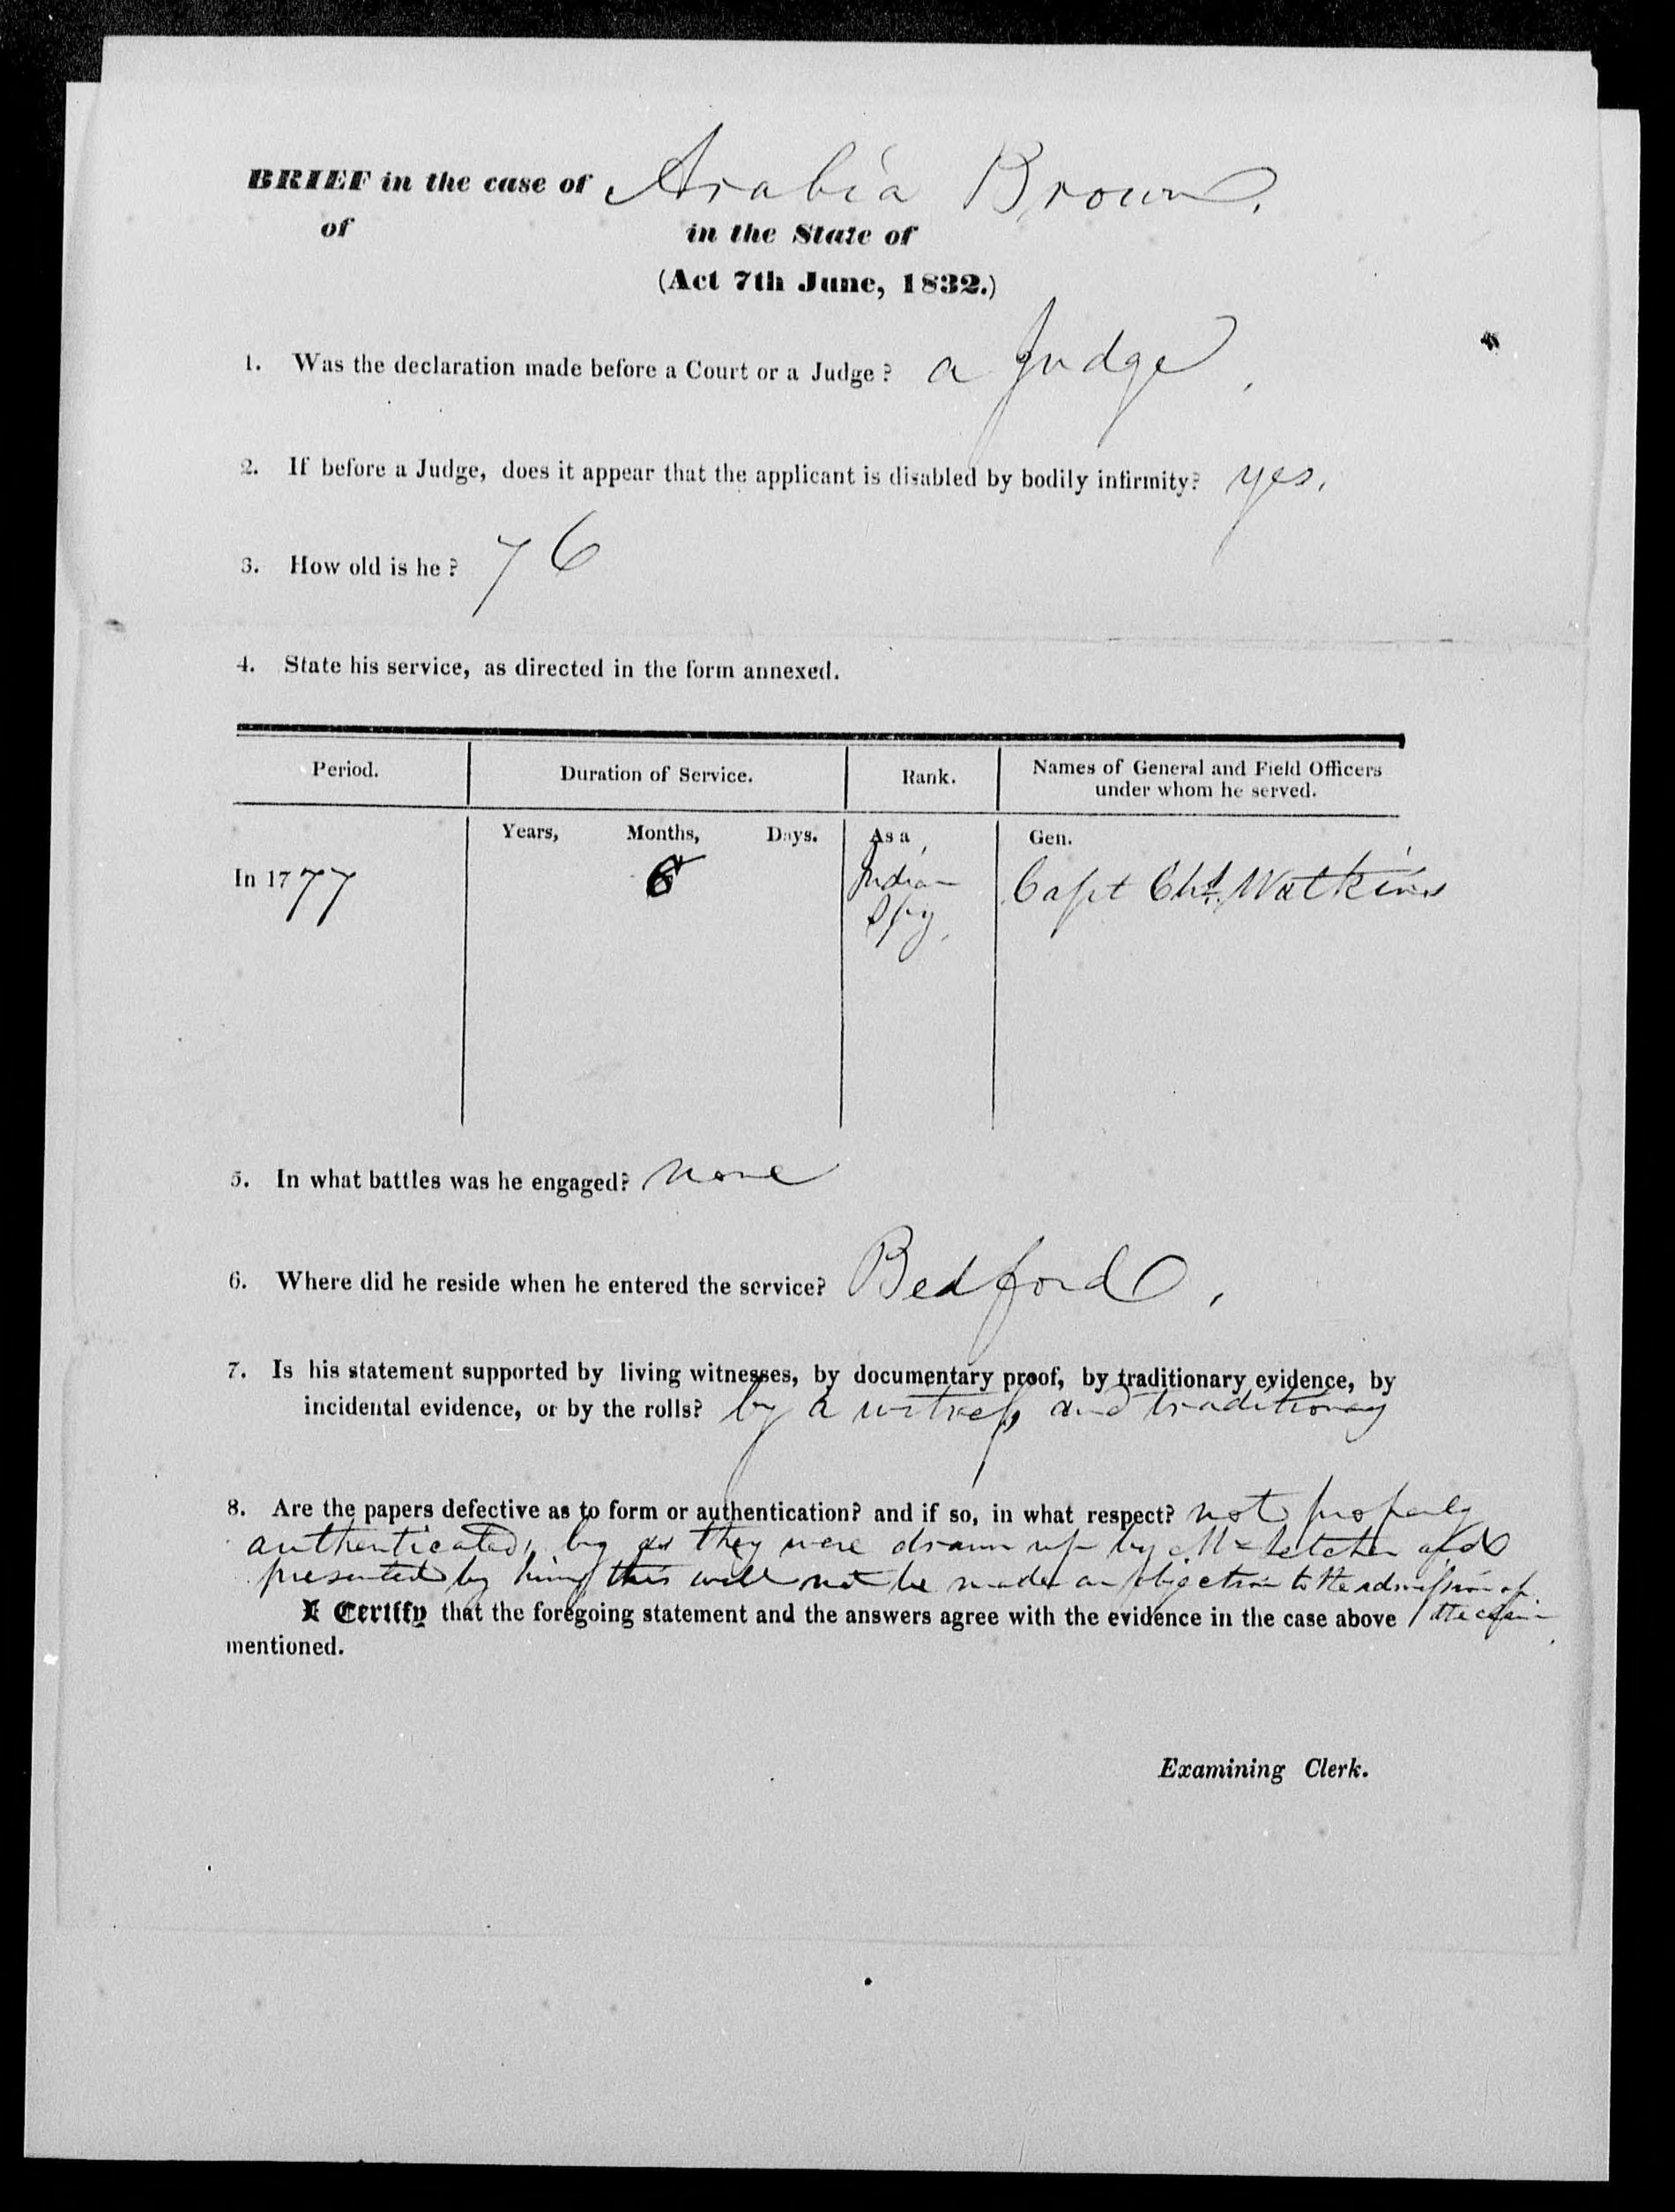Brief in the case of Arabia Brown
of   in the State of 
(Act 7th June, 1832.)
1. was the declaration made before a court or a judge? a judge
2. If before a judge, does it appear that the applicant is disabled by bodily infirmity? yes
3. How old is he? 76
4. State his service, as directed in the form annexed.
Period: in 1777
Years:
Months: 6
Days: 
rank: Indian Spy
Names of genera; and field officers under whom he served: 
Gen. Capt Chas Watkins
5. In what battles was he engaged? none
6. Where did he reside when he entered the service? Bedford
7. Is his statement supported by living witnesses, by documentary proof, by traditionary evidence, by incidental; evidence, or by the rolls? by a [illegible], and traditionary
8. are the papers defective as to form or authentication? and if so, in what respect? not properly authenticated, by [illegible] they were drawn up by Mr. [illegible] and presented by him, this will not be [illegible] an objection to the [illegible] by the [illegible]
Certify that the foregoing statement and the answers agree with the evidence in the case above mention.
Examining Clerk.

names: Chs Watkins, Arabia Brown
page: 18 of 65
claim: widow's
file: W. 8384, Arabia Brown, Va.